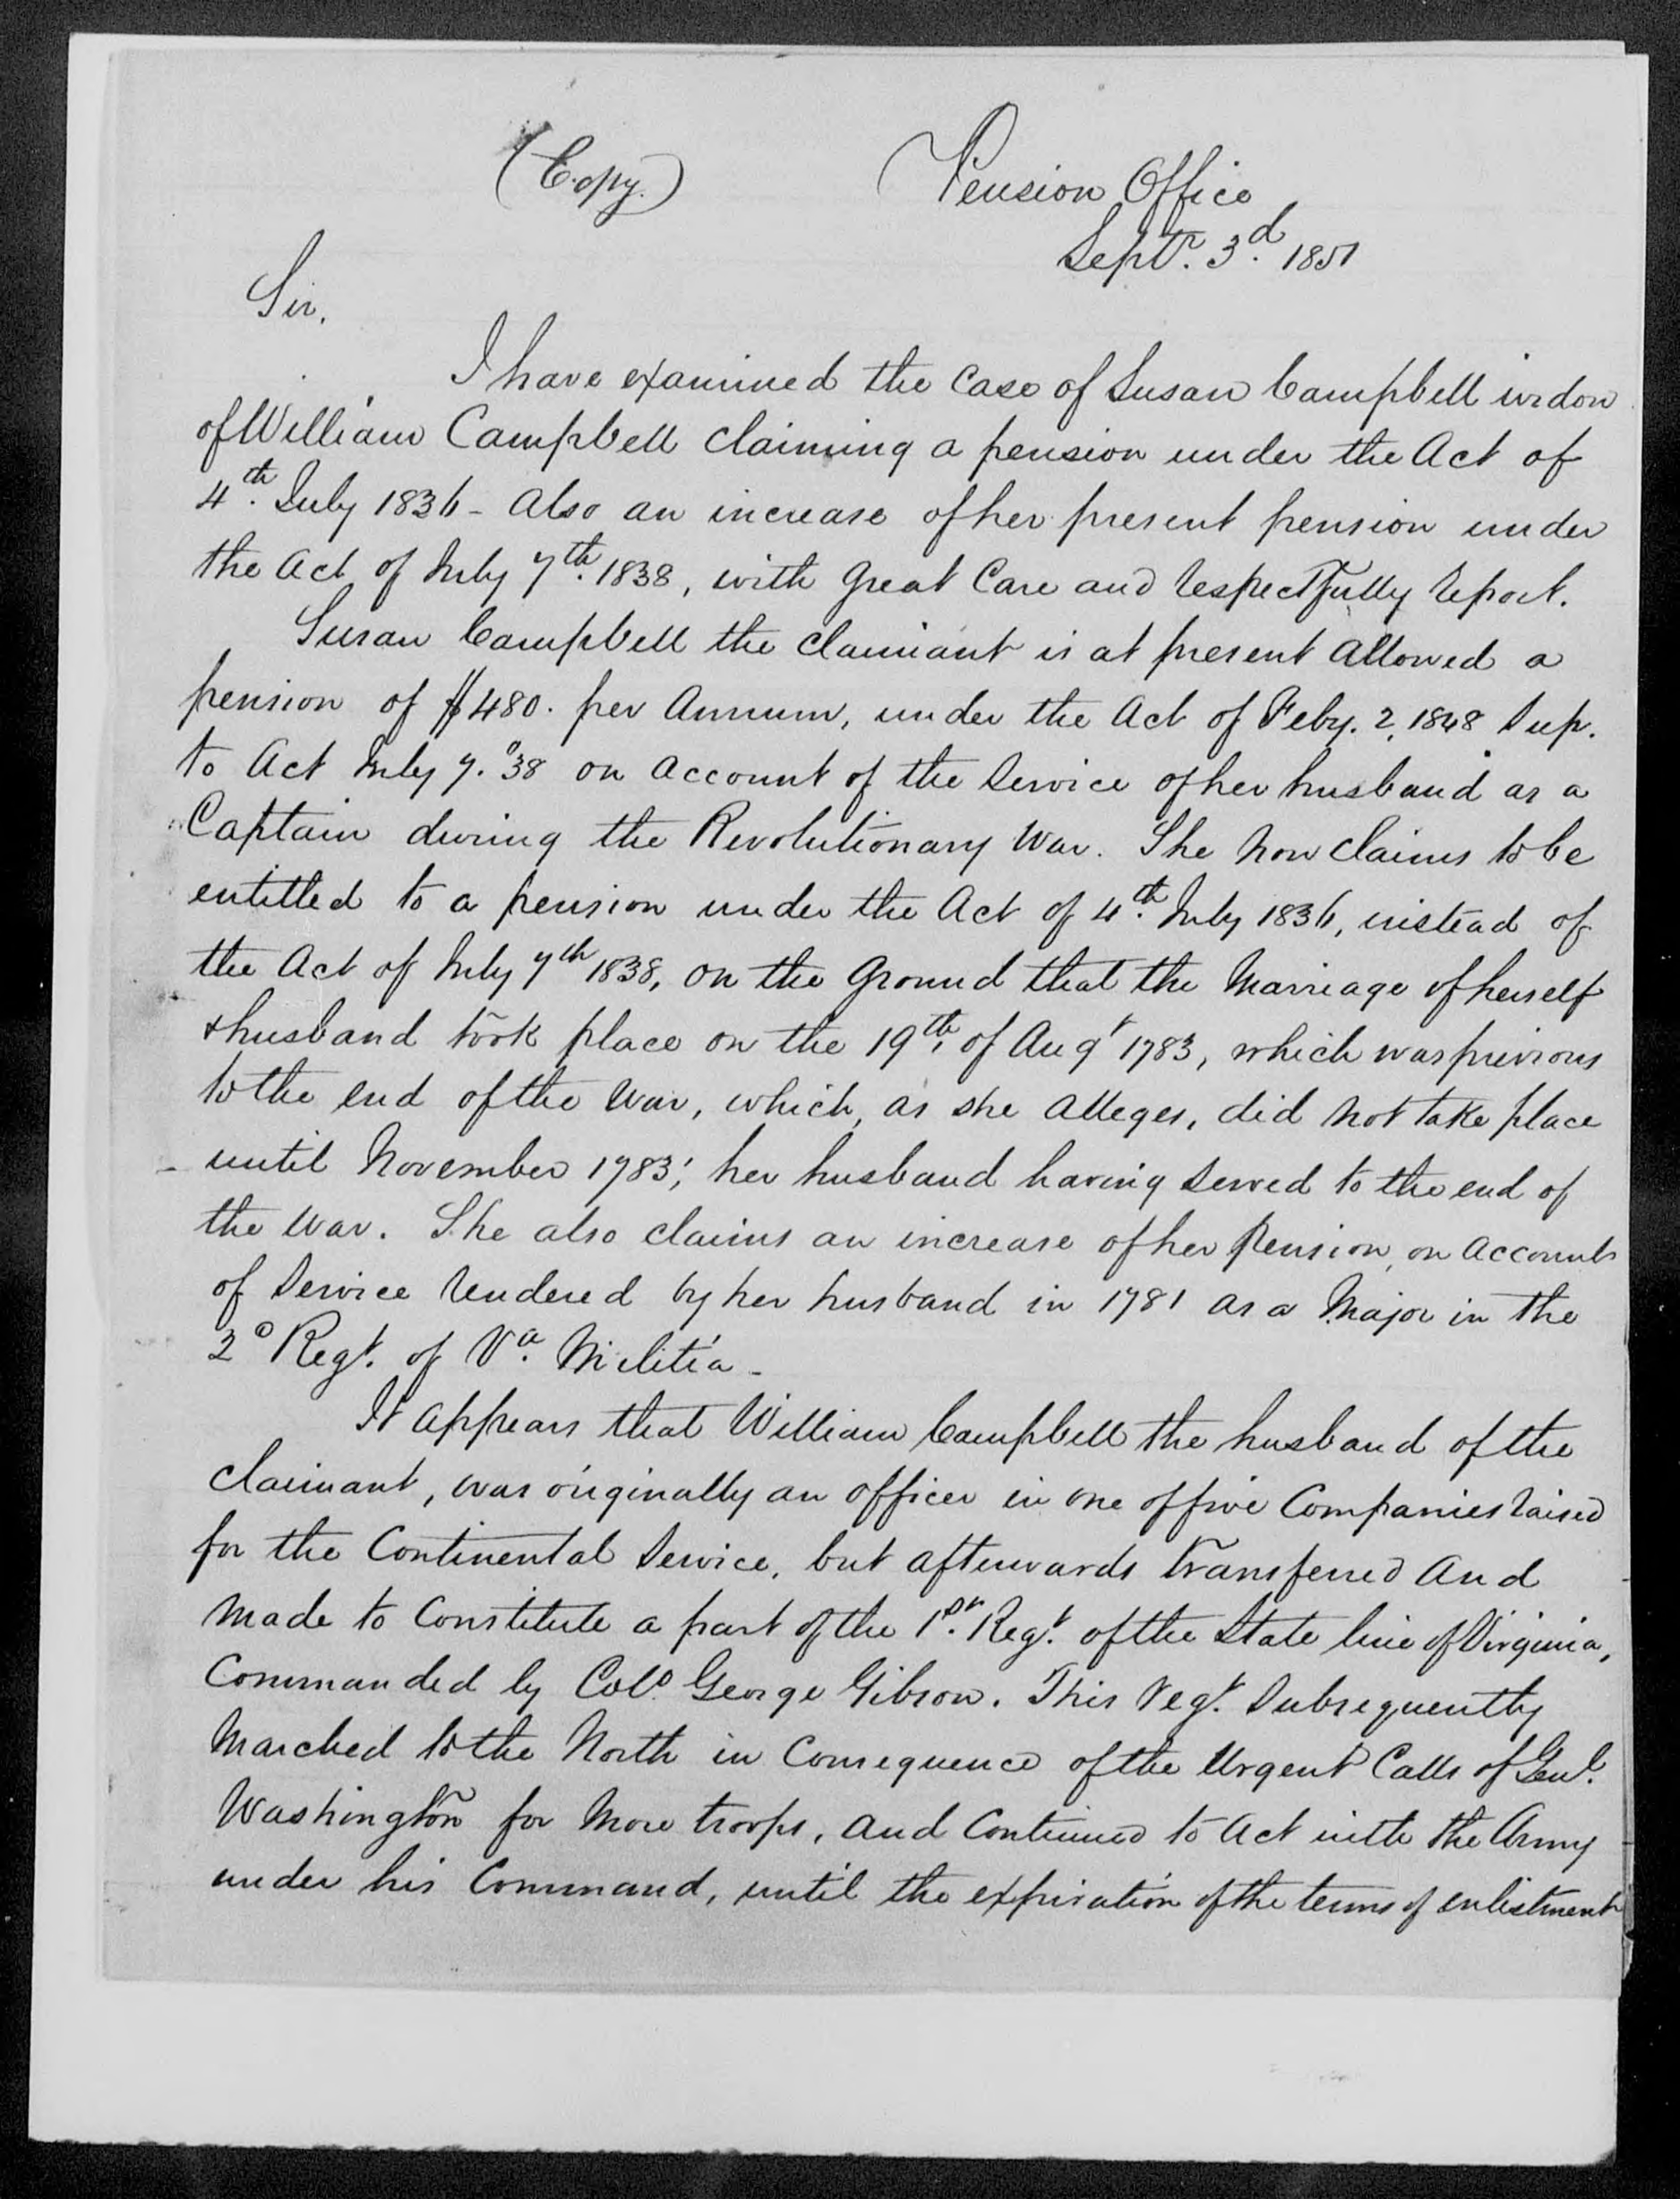(Copy.)
Pension Office
Septr. 3d. 1857

Sir,
I have examined the Case of Susan Campbell widow of William Campbell claiming a pension under the Act of 4th. July 1836 - Also an increase of her present pension under the Act of July 7th. 1838, with Great Care and Respectfully Report.
Susan Campbell the claimant is at present allowed a pension of $480. per Annum, under the Act of Feby. 2, 1848 Sup. to Act July 7. '38 on Account of the Service of her husband as a Captain during the Revolutionary War. She now claims to be entitled to a pension under the Act of 4th. July 1836, instead of the Act of July 7th 1838, on the ground that the Marriage of herself & husband took place on the 19th of Augt 1783, which was previous to the end of the war, which, as she alleges, did not take place until November 1783; her husband having served to the end of the war. She also claims an increase of her Pension, on account of Service rendered by her husband in 1781 as a Major in the 2d Regt. of Va. Militia -
It appears that William Campbell the husband of the claimant, was originally an officer in one of five Companies raised for the Continental Service, but afterwards transferred and made to Constitute a part of the 1st. Regt. of the State line of Virginia, Commanded by Colo. George Gibson. This regt. subsequently marched to the North in Consequence of the Urgent Calls of Genl. Washington for more troops, and continued to act with the Army under his Command, until the expiration of the terms of enlistment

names: Susan Campbell, Washington, William Campbell, William Campbell, Susan Campbell, George Gibson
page: 161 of 267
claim: widow's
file: W. 4,149, William Campbell, Va.